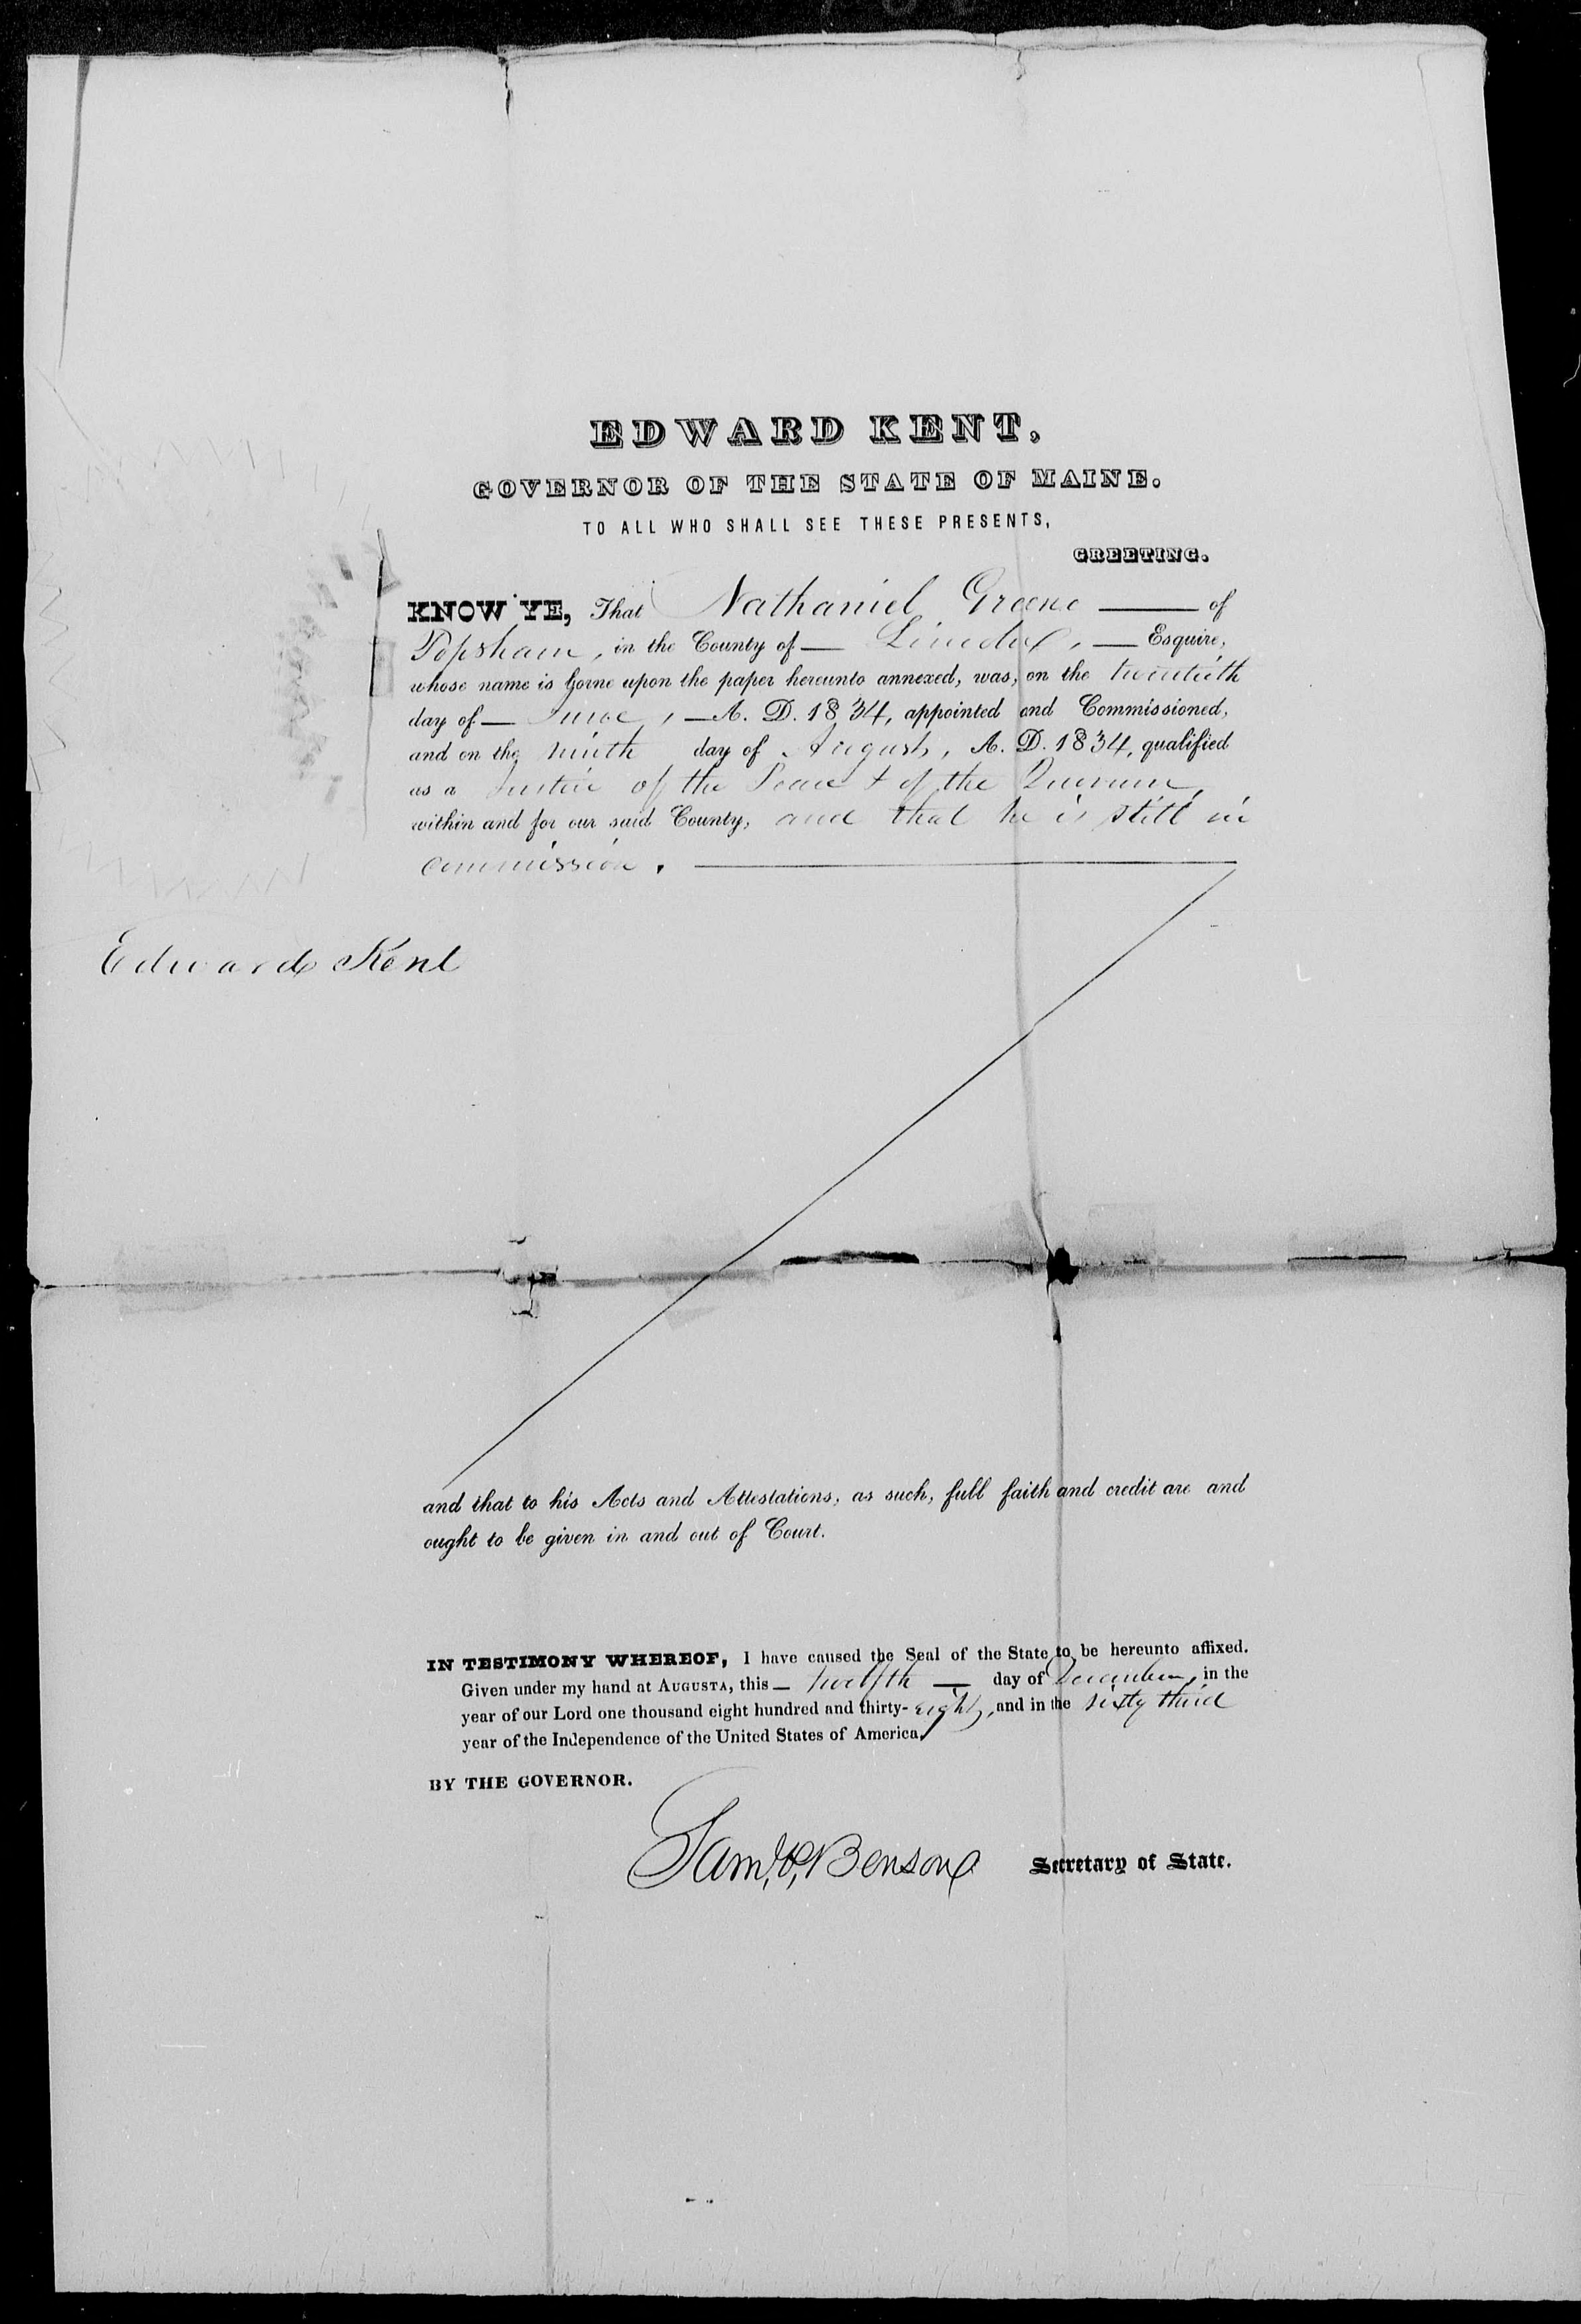EDWARD KENT,
GOVENOR OF THE STATE OF MAINE.
TO ALL WHO SHALL SEE THESE [RESENTS,
GREETING.

KNOW YE, That Nathaniel Greene _____ of
Topsham, in the County of ___ Lincoln, ____ Esquire,
whose name is borne upon the paper hereunto annexed, was, on the twentieth
day of ____ June, A.D. 1834, appointed and Commissioned,
and in the ninth day of August, A.D. 1834, qualified
as a Justice of the Peace & of the [illegible]
within and for our said County, and that he is still in
commission, _________

Edward Kent

and that to his Acts and Attestations, as such, full faith and credit are and
ought to be given in and out of Court.

IN TESTIMONY WHEREOF, I have caused the Seal of the State to be hereunto affixed.
Given under my hand at AUGUSTA, this twelfth day of December, in the
year of our Lord one thousand eight hundred and thirty - eight, and in the sixty third
year of the Independence of the United States of America.

BY THE GOVERNOR.

Saml Benson  Secretary of State.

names: Edward Kent, Smith, Saml, Benson, Nathaniel Greens, Edward Kent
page: 24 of 39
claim: widow's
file: W. 23,621, Increase Blethen, Mass.